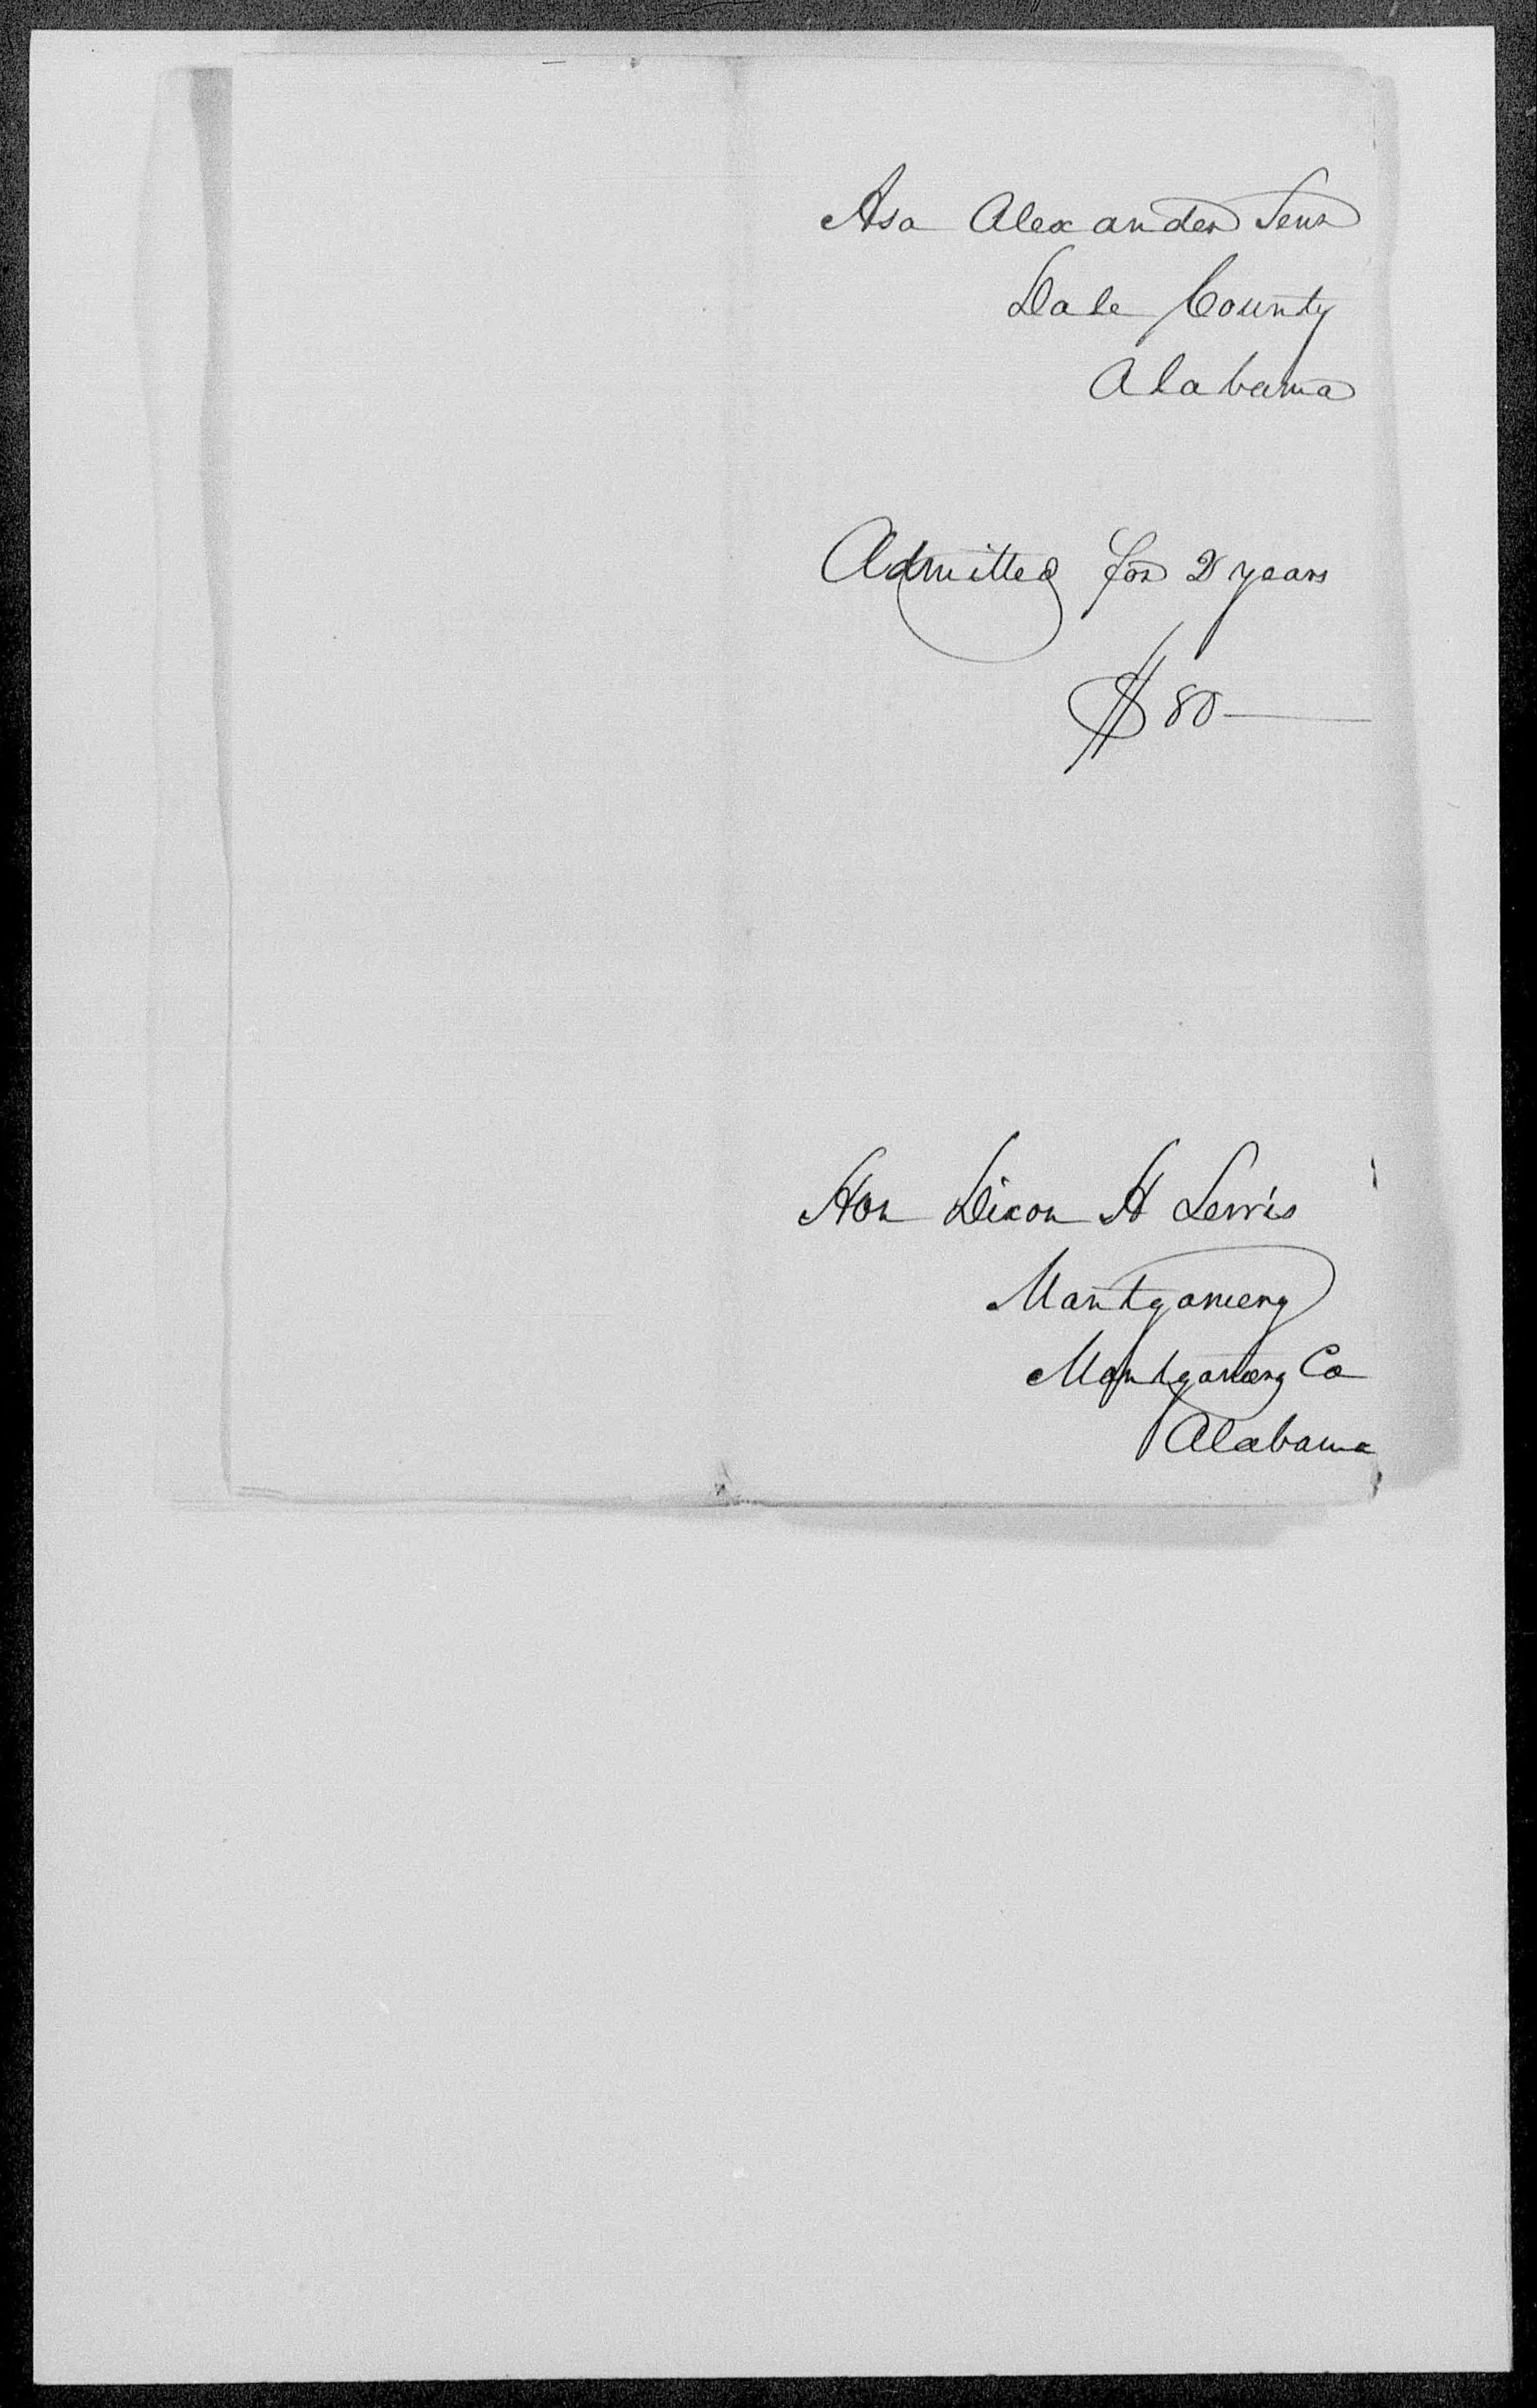Asa Alexander Senr. Dale County, Alabama
Admitted for 2 years $80
Hon Dixon H. Lewis
Montgomery
Montgomery Co.
Alabama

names: Dixon H Lewis, Asa Alexander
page: 8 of 35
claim: survivor's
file: S. 32092, Asa Alexander, Ga.